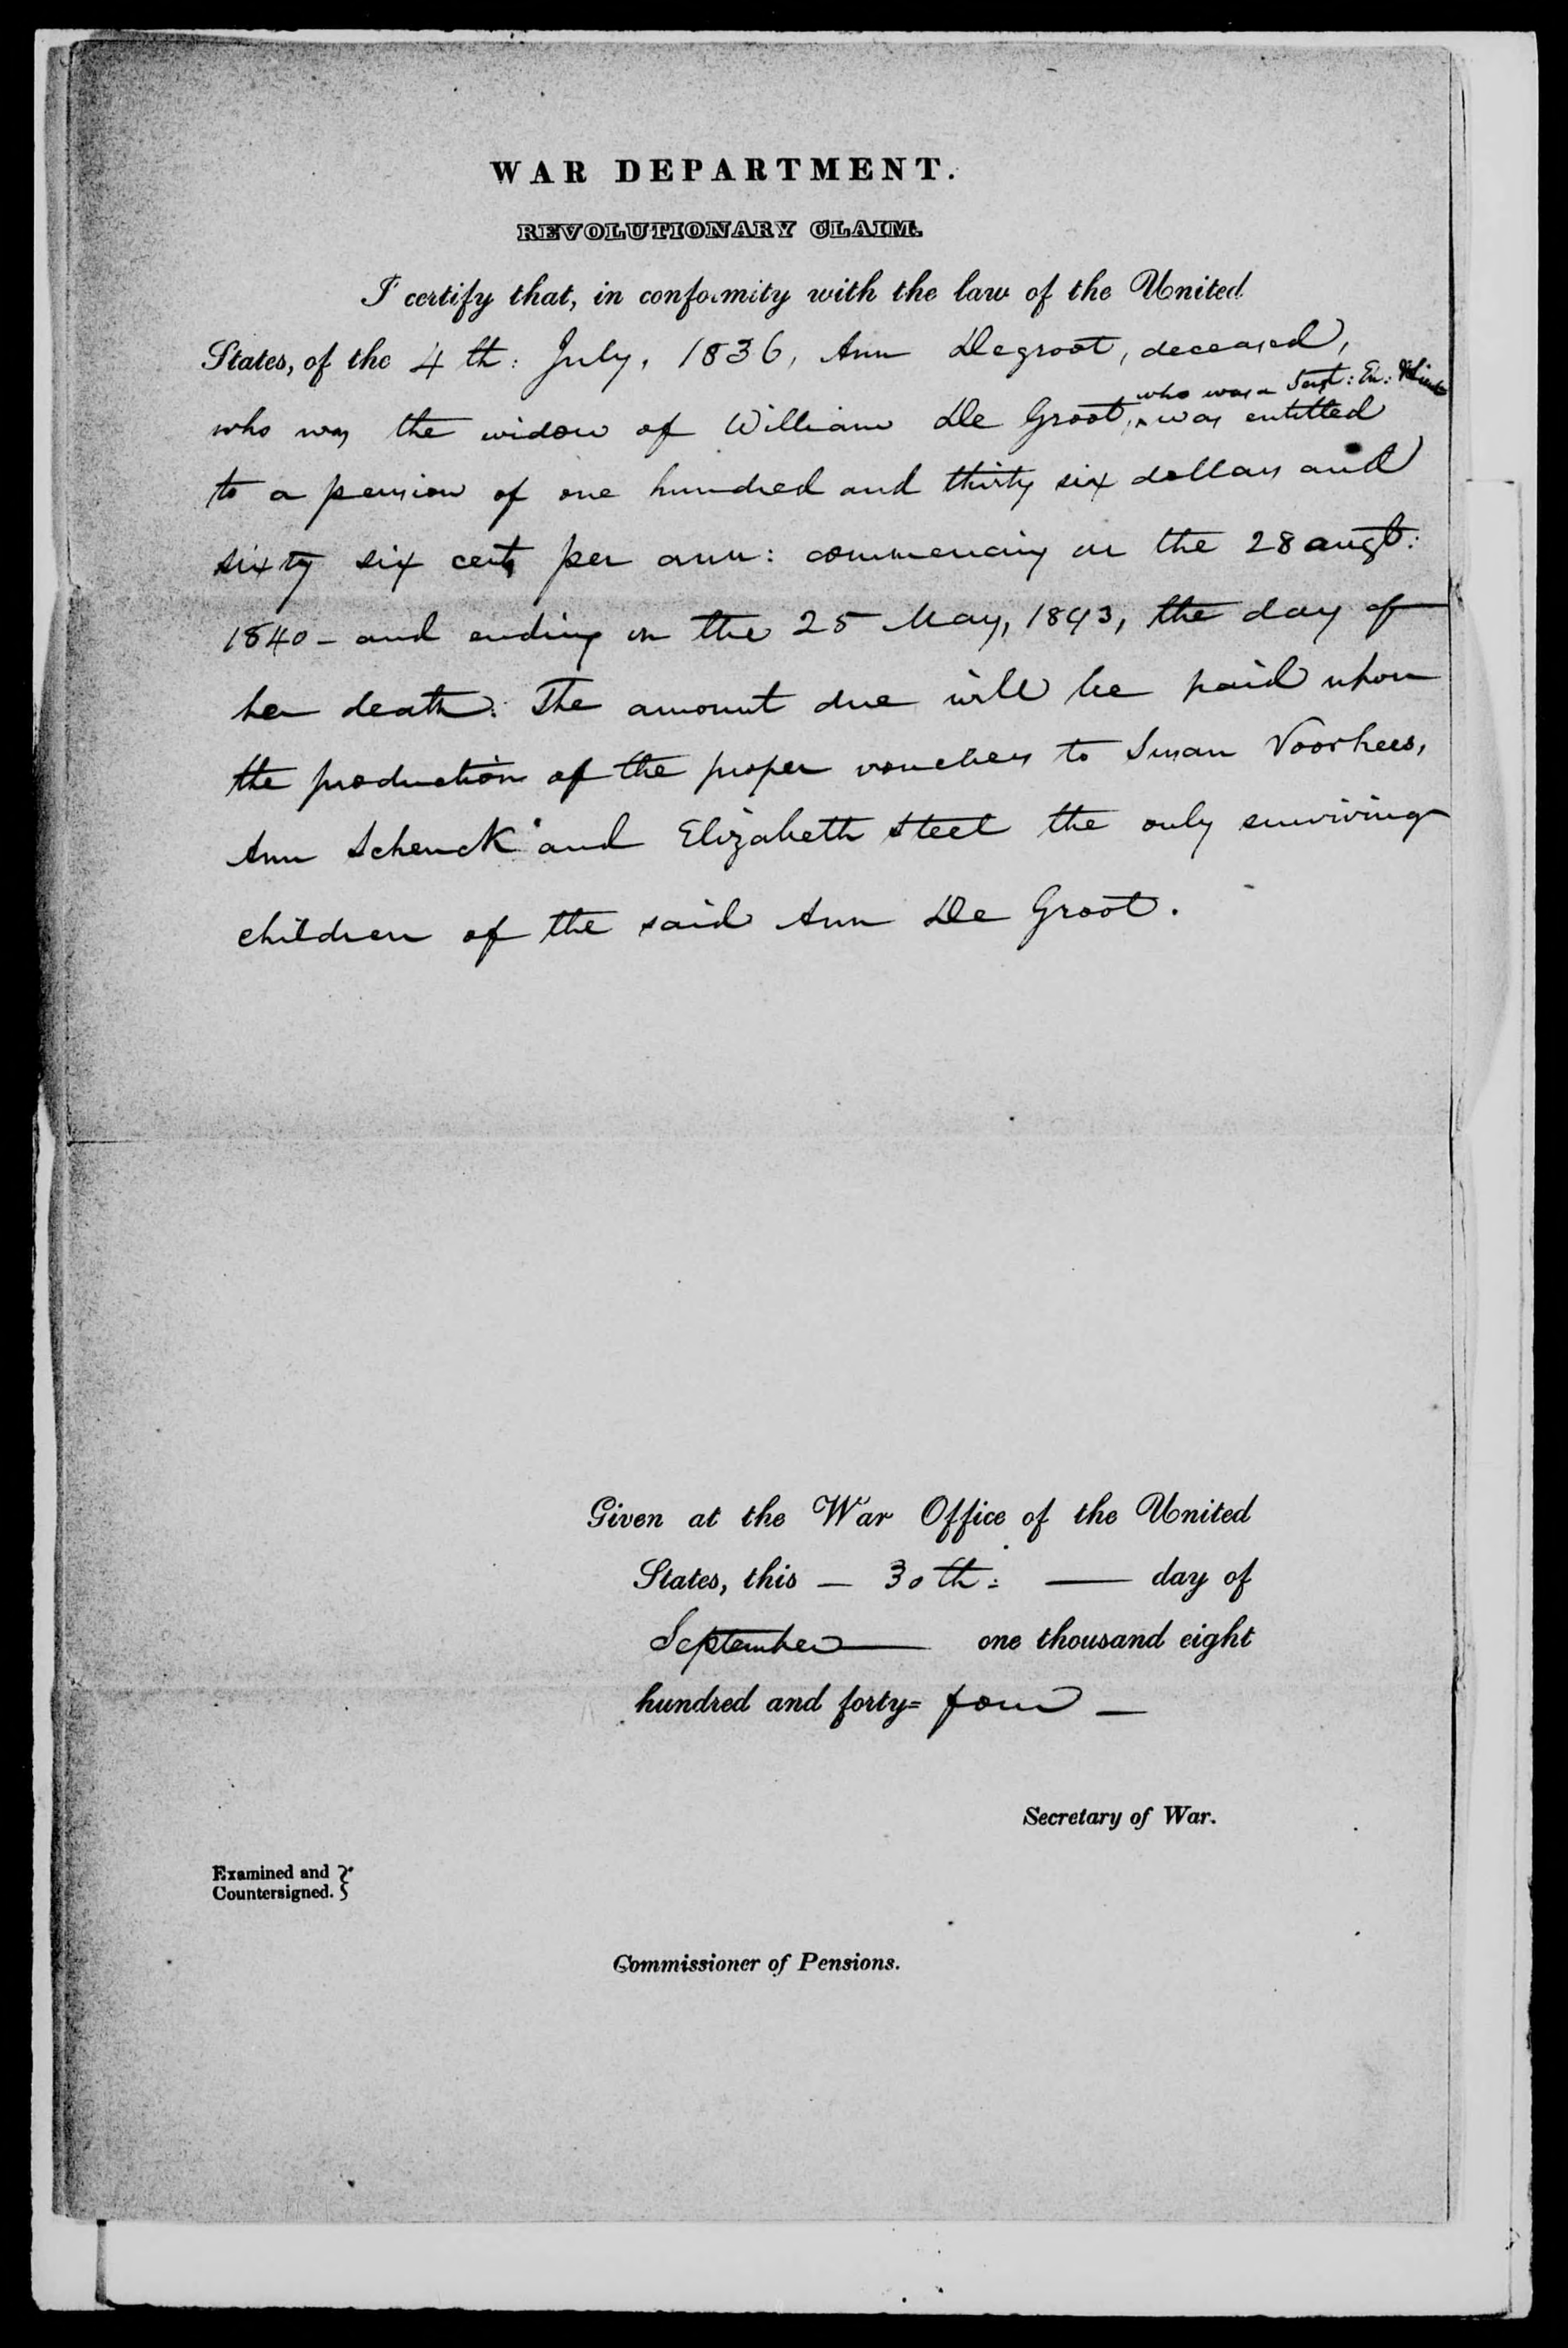WAR DEPARTMENT.
REVOLUTIONARY CLAIM.
I certify that, in conformity with the law of the United States, of the 4th July 1836, Ann Degroot, deceased, who was the widow of William De Groot, who was a Sergt: En: Lieut was entitled to a pension of one hundred and thirty six dollars and sixty six cents per ann: commencing in the 28 Augt 1840 -- and ending on the 25th May, 1843, the day of her death. The amount due will be paid when the production of the proper vouchers to Susan Voorhees, Ann Schenk and Elizabeth Steel the only surviving children of the said Ann De Groot.
Given ate the War Office of the United States, this 30th day of September one thousand eight hundred and forty four --
             Secretary of War. 
Examined and Countersigned}
Commissioner of Pensions.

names: Ann Degroot, Ann De Groot, Elizabeth Steel, Ann Schenck, Susan Voorhees, William De Groot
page: 37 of 77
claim: widow's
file: W. 417, William De Groot, New Jersey